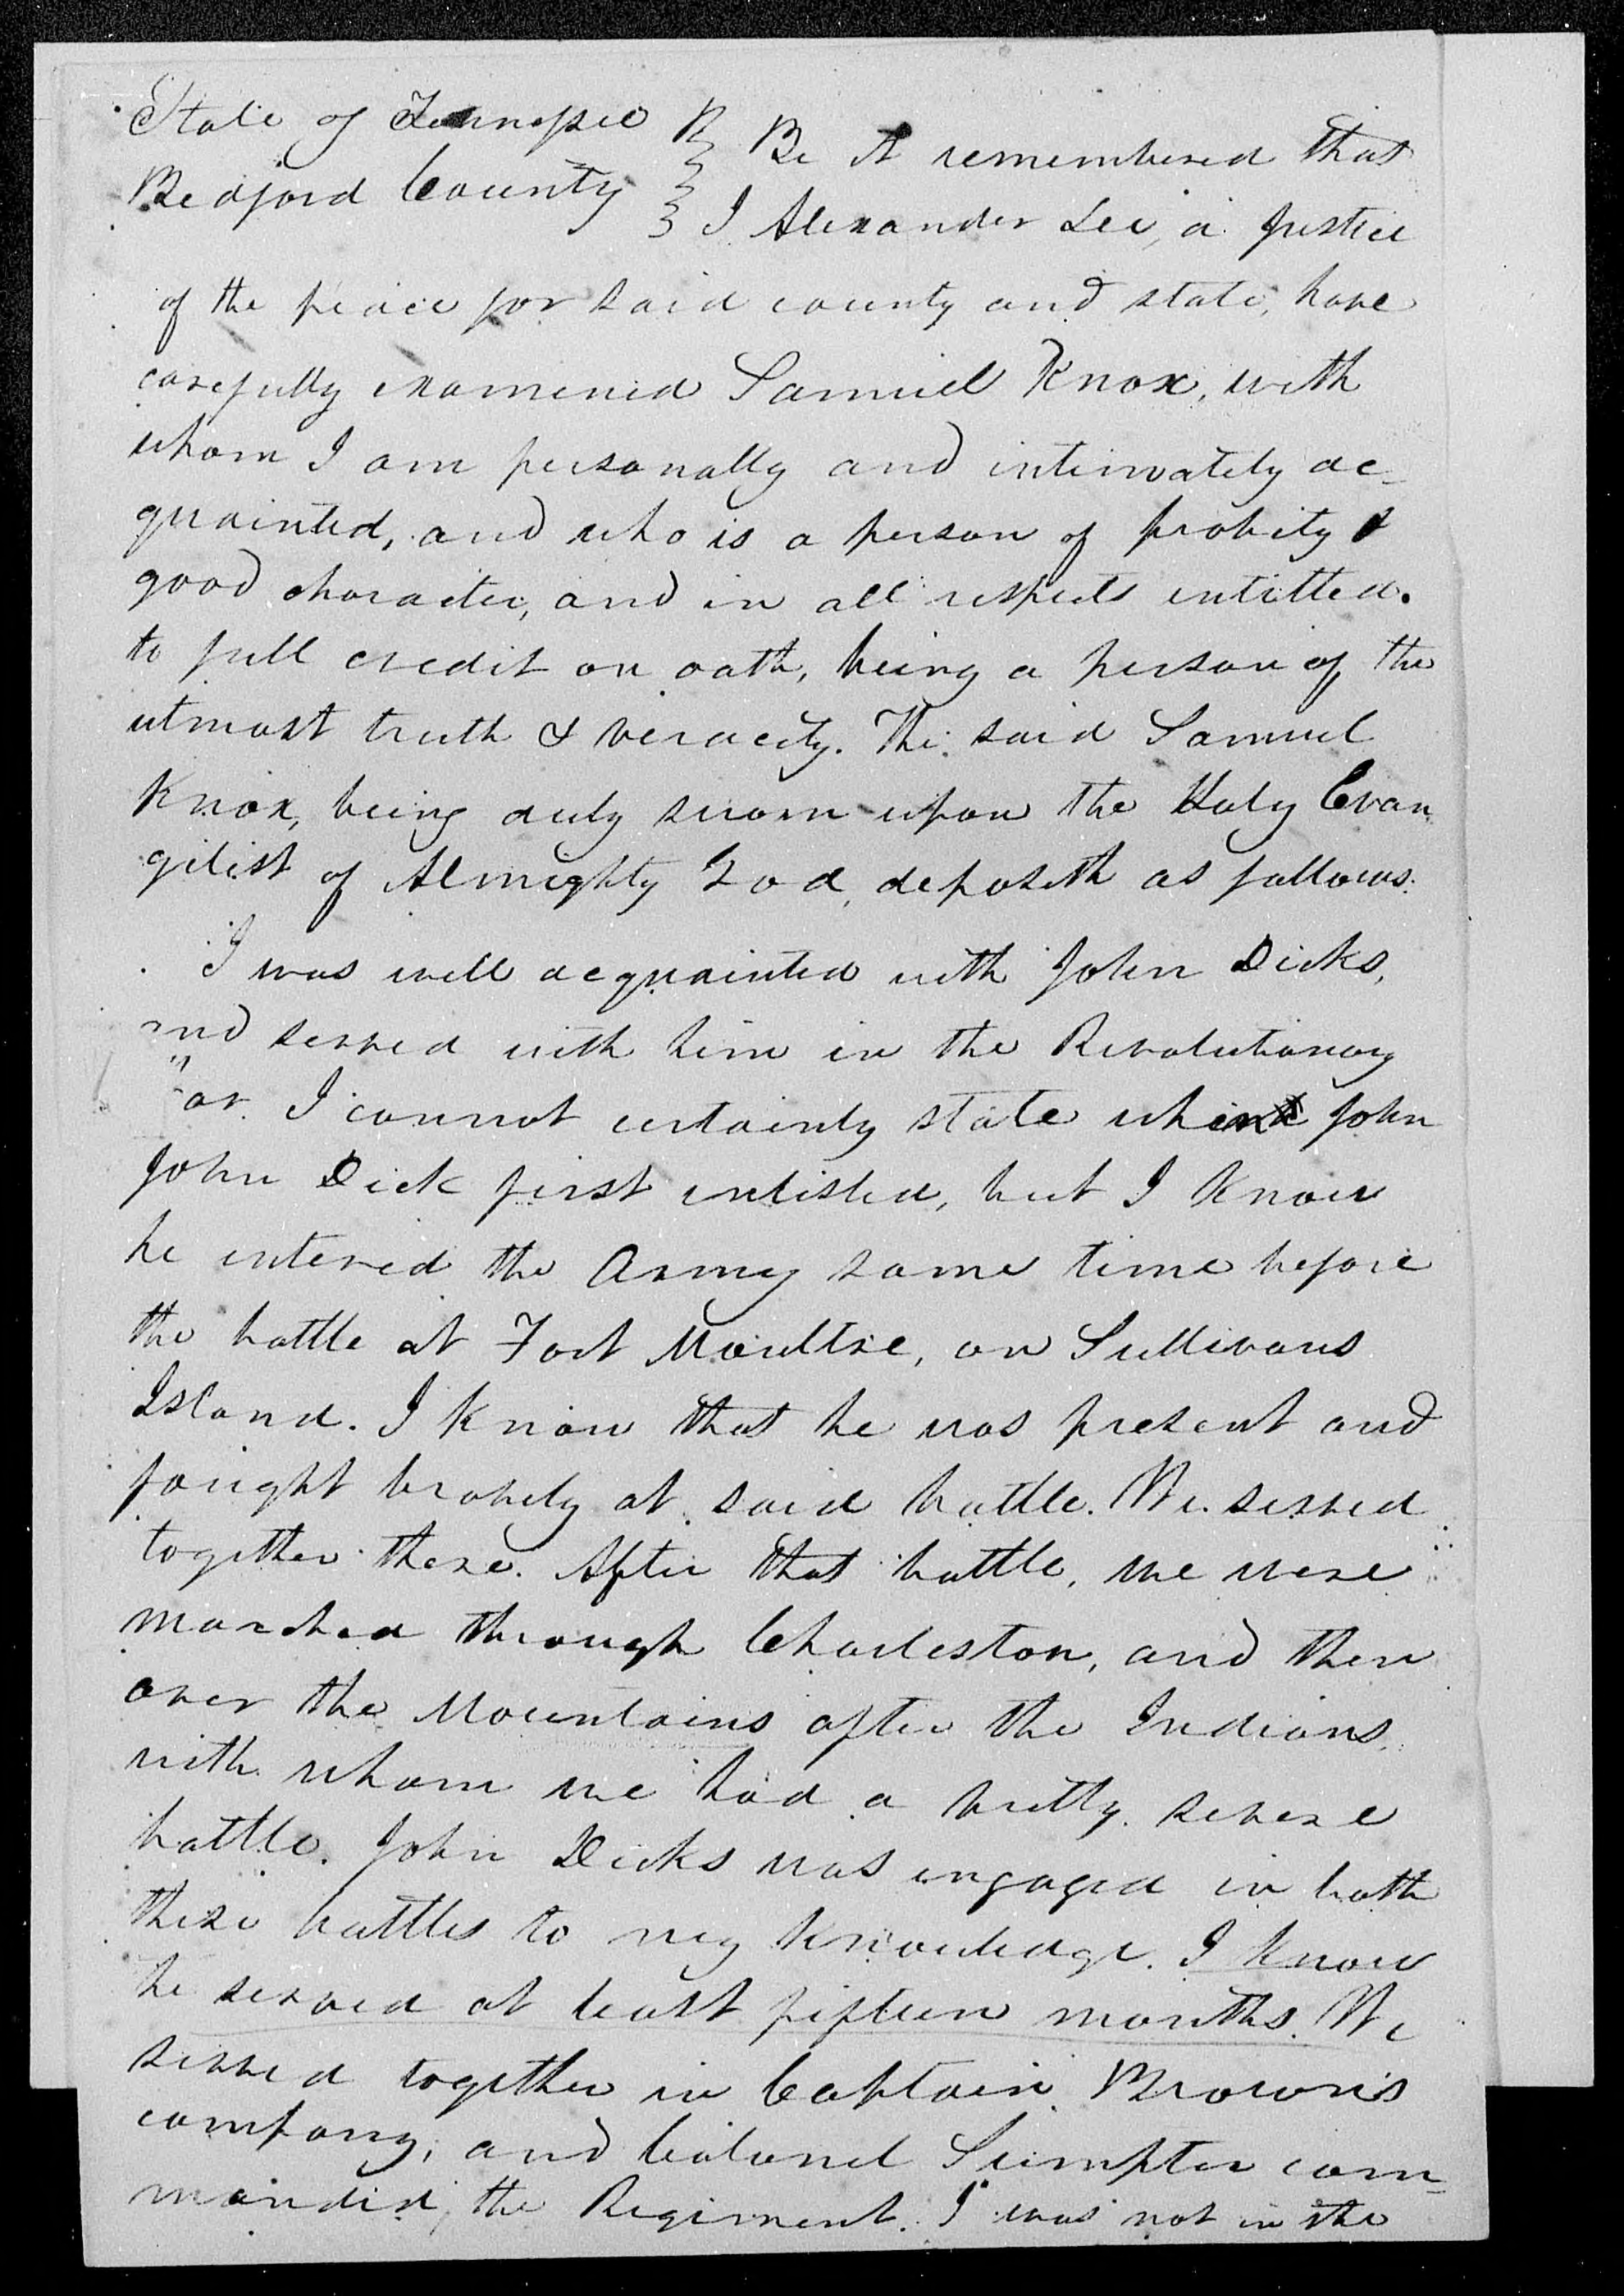State of Tennessee Bedford County⎬ Be it remembered that I Alexander Lee a Justice of the peace for said county and state, have carefully examined Samuel Knox, with whom I am personally and intimately acquainted, and who is a person of probity & good character, and in all respects entitled to full credit on oath, being a person of the utmost truth & veracity. The said Samuel Knox, being duly sworn upon the Holy Evangelist of Almighty God deposeth as follows. I was well acquainted with John Dicks and served with him in the Revolutionary War. I cannot certainly state when John John Dick first enlisted, but I know he entered the Army some time before the battle at Fort Moultre, on Sullivans Island. I know that he was present and fought bravely at said battle. We served together there. After that battle, we were marched through Charleston, and then over the mountains after the Indians, with whom we had a pretty severe battle. John Dicks was engaged in both these battles to my knowledge. I know he served at least fifteen months. We served together in Captain Brown's company, and Colonel Sumpter commanded the Regiment I was not in the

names: Alexander Lee, John Dick, John Dicks, John, John Dicks, Samuel Knox, Samuel Knox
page: 24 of 31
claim: widow's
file: W. 8668, John Dick, S C